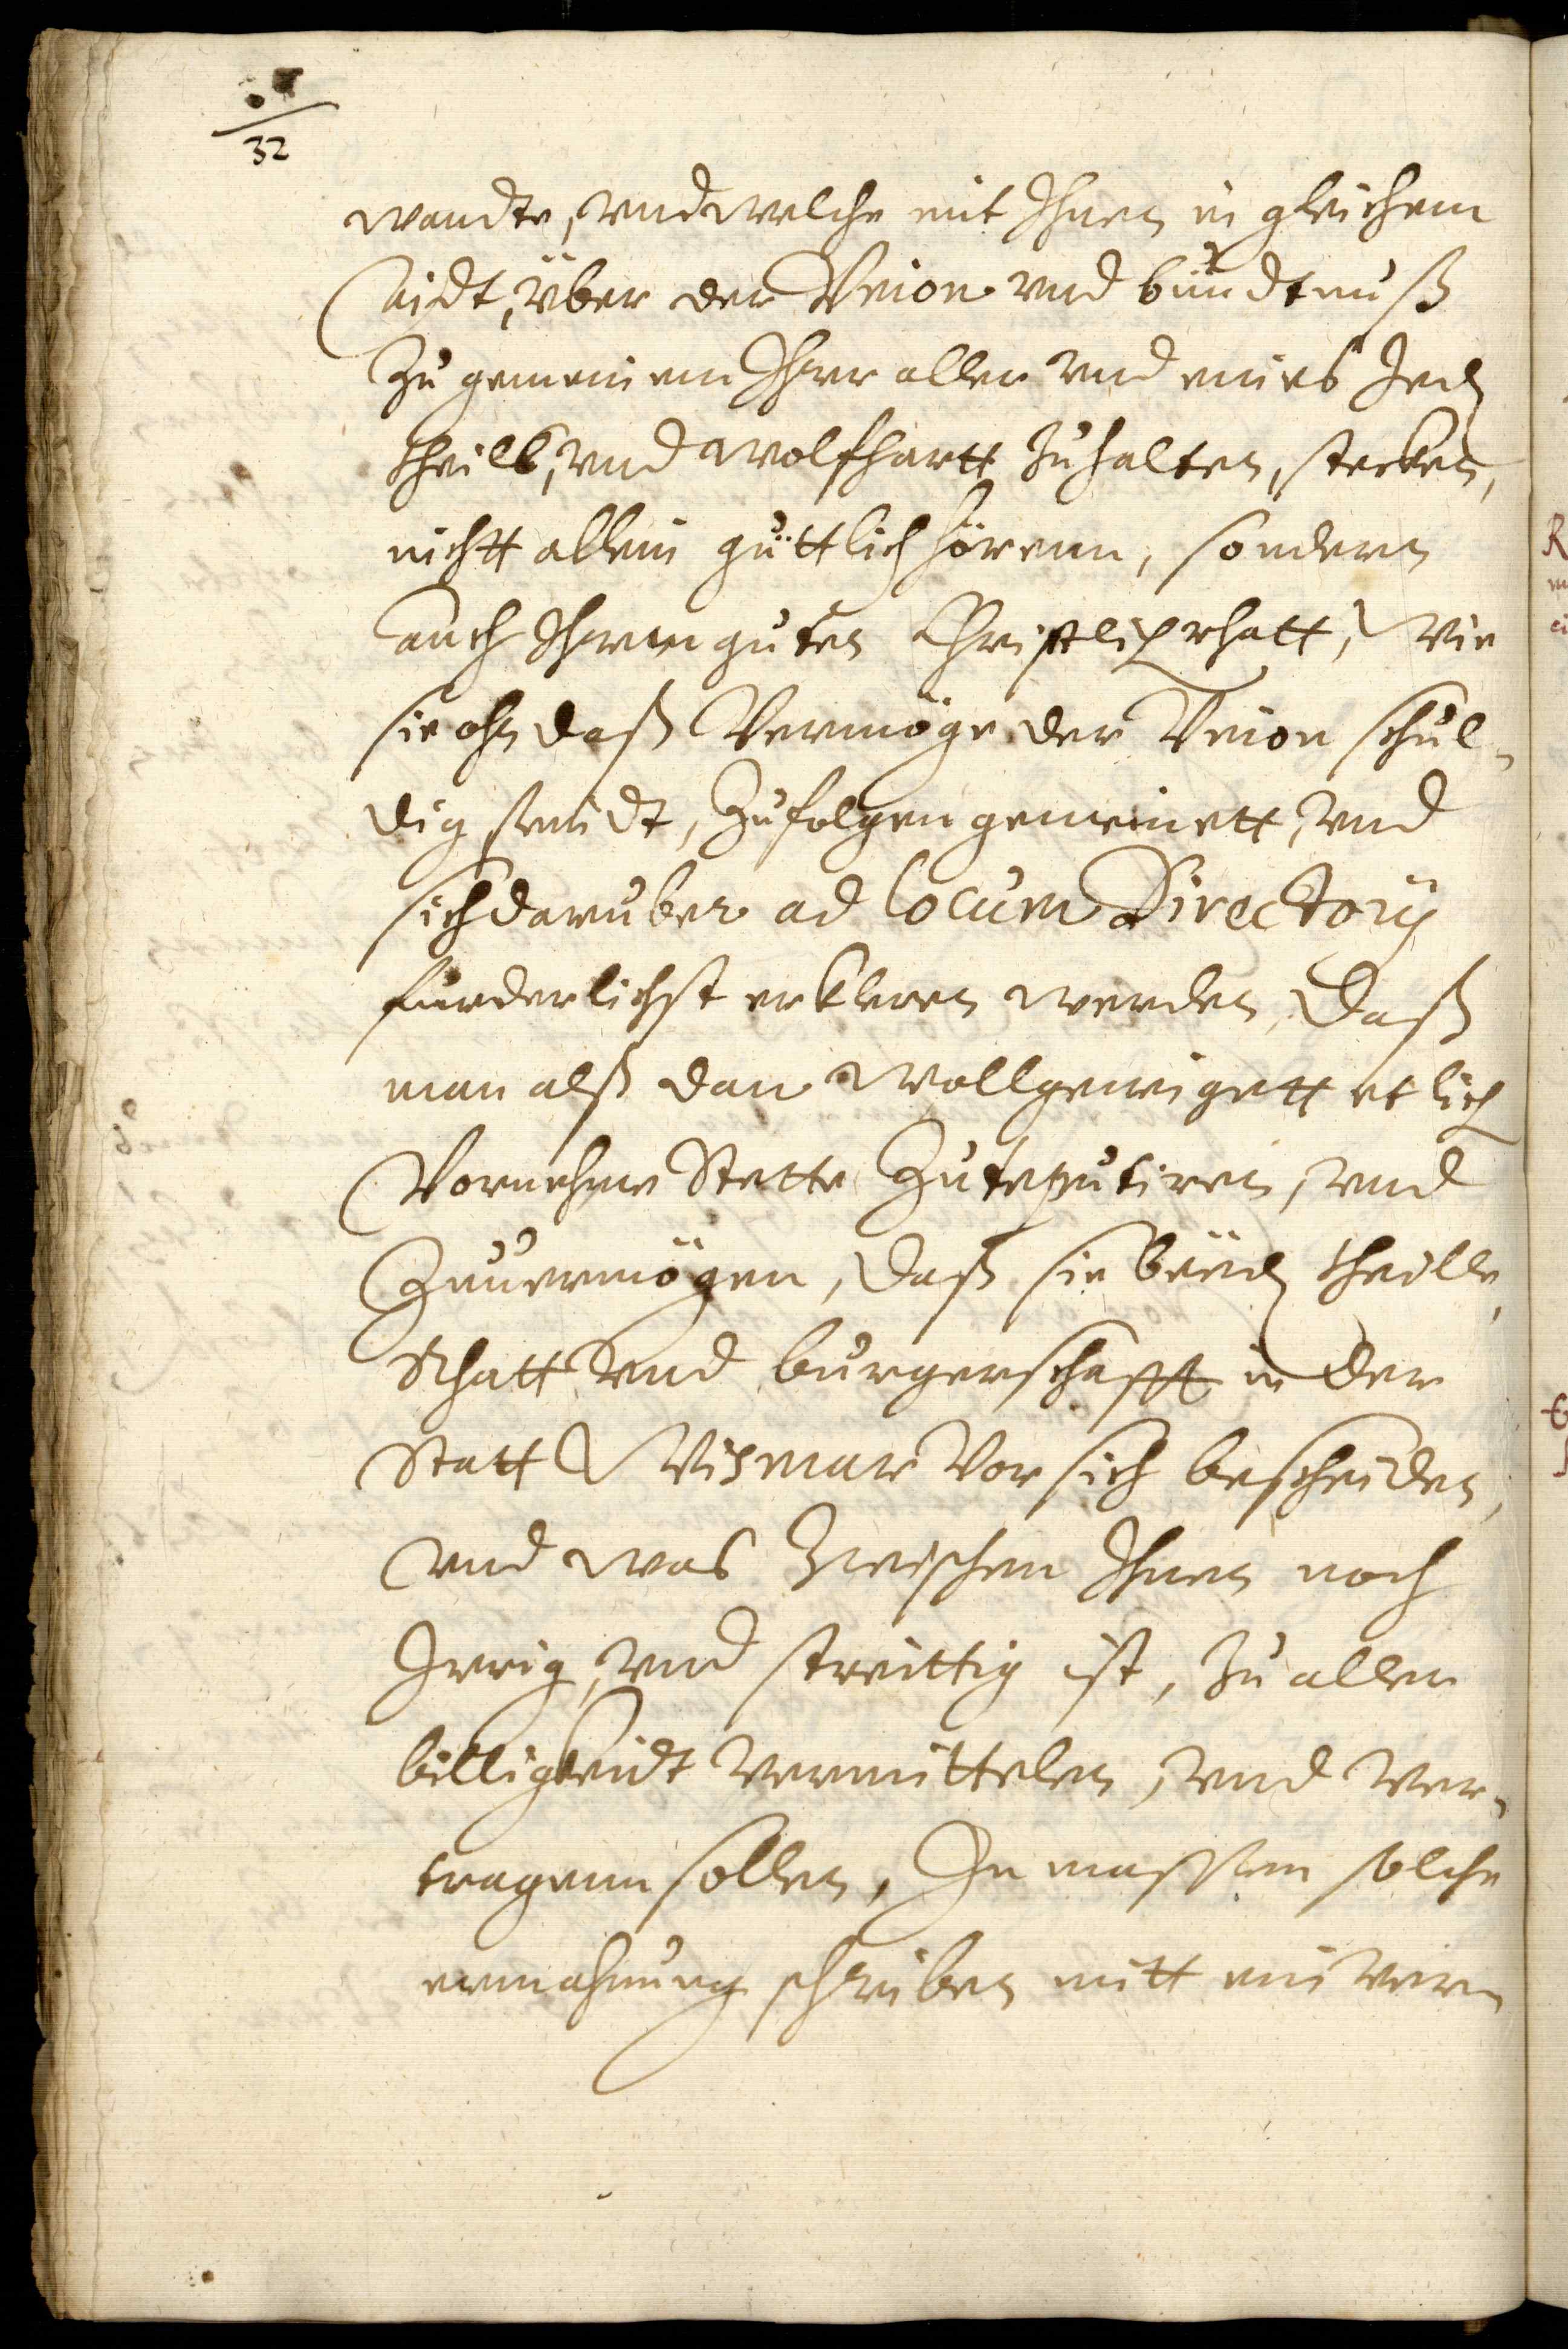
32
wandte, vnd welche mit Ihnen in gleichem
Eidt, vber der Vnion vnd bündtnuß
zu gemeinem Ihrer aller vnd eines jeden
theils, vnd wolfhartt zuhalten, stecken,
nichtt allein güttlich hörenn, sondern
auch Ihrm guten Christlichen rhatt, wie
sie ohn daß Vermöge der Vnion schul¬
dig seindt, zufolgen gemeinett, vnd
sich daruber ad locum Directorij
furderlichst erkleren werden, Daß
man alß dan wollgeneiget etlichen
Vornehme Stette zu deputiren, vnd
Zuuermogen, daß sie beëden theille
Rhatt vnd burgerschafft in der
Statt Wismar vor sich bescheiden,
vnd was zwischen Ihnen noch
Irrig, vnd streittig ist, zu aller
billigkeidt vermittelen, vnd ver¬
tragenn sollen, In massen solche
ermahnung schreiben mitt ein ver¬
